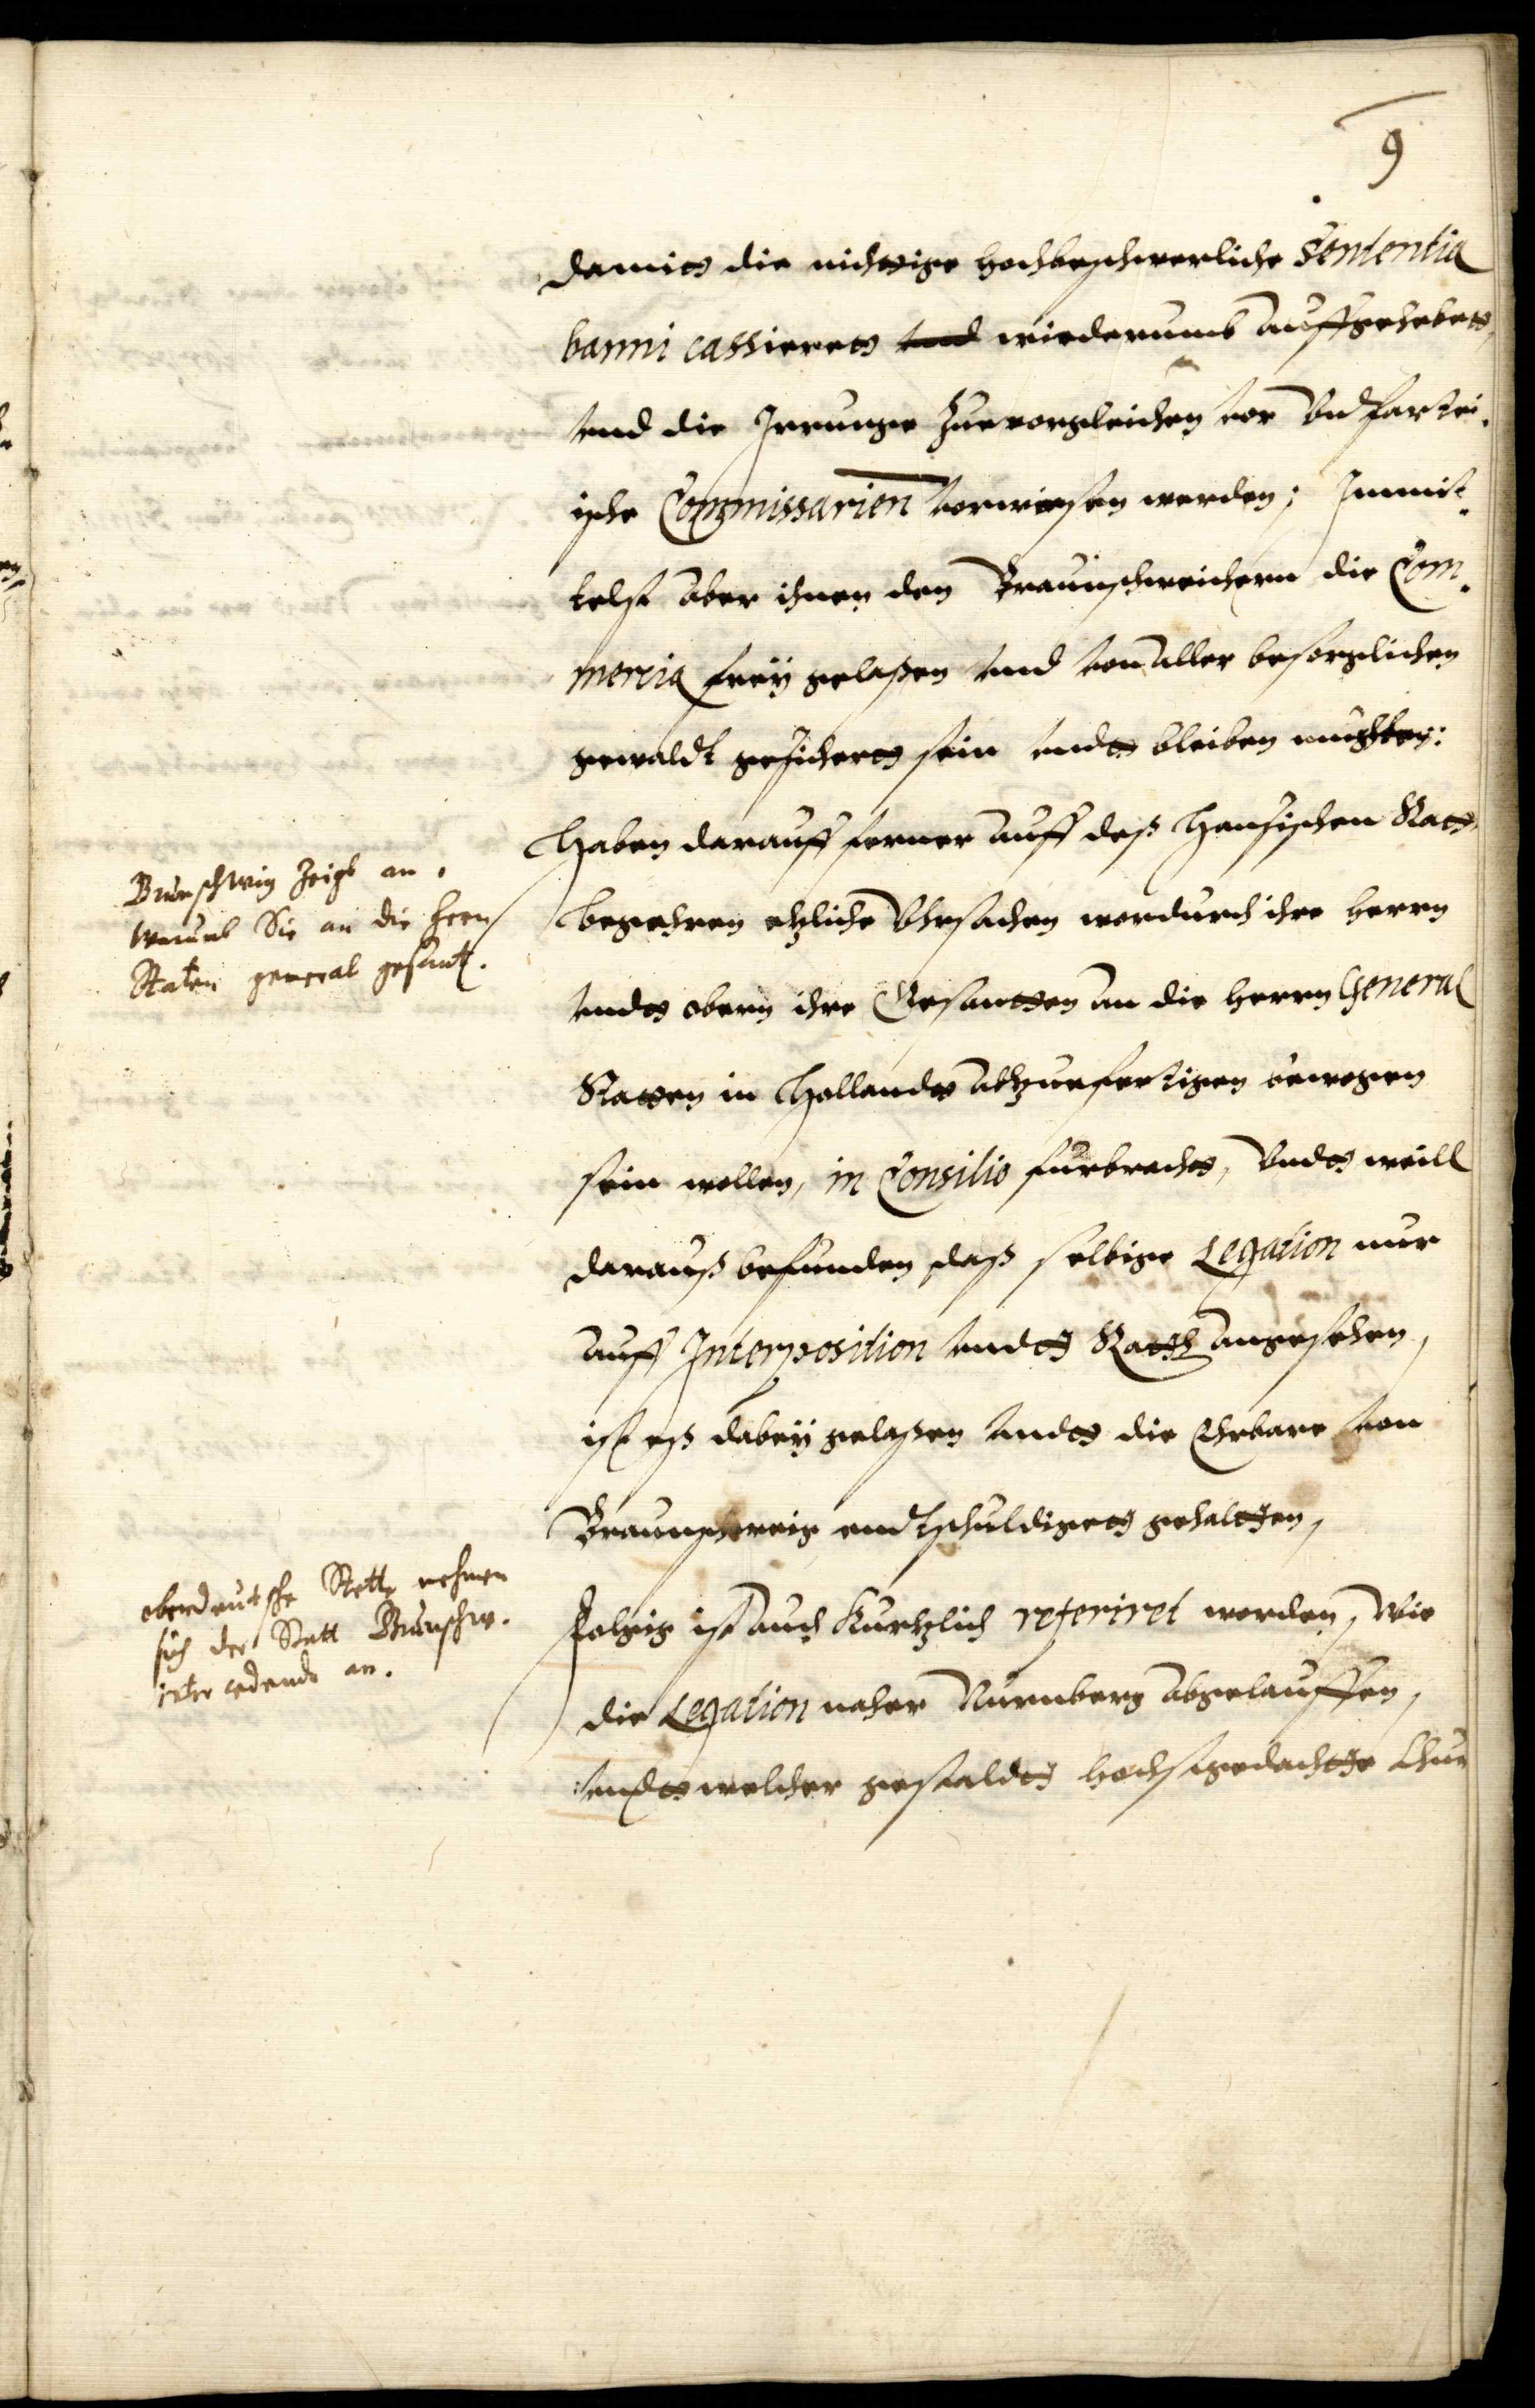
9
damitt die nichttige hochbeschwerliche sententia
banni cassierett vnd wiederumb Auffgehebett,
vnd die Irrungen zuevorgleichen vor Vnpartei¬
ische Commissarien verwiesen werden; Inmit¬
telst aber ihnen den Braunschweichern die Com¬
mercia freij gelaßen vnd von aller besorglichen
gewaldt gesichertt sein vndtt bleiben muchtten:
Haben darauff ferner auff deß Hansichen Ratt
begehren etzliche Vhrsachen wordurch ihre herrn
vndtt obern ihre Gesantten an die herrn General
Statten in Hollandtt abtzuefertigen bewogen
sein wollen, in Consilio furbrachtt, Vndtt weill
darauß befunden daß selbige Legation nur
auff Interposition vndtt Ratth angesehen,
ist eß dabeij gelaßen vndtt die Ehrbare von
Braunschweig endtschuldigett gehaltten,
Brunschwig Zeigt an,
Warumb Sie an die hern
Staten general gesant.
oberdeutsche Stette nehmen
sich der Statt Brunschw.
inter cedende an.
Folgig ist auch kurtzlich referiret worden, Wie
die Legation naher Nurnberg Abgelauffen,
vndtt welcher gestaldtt hochstgedachtte Chur
